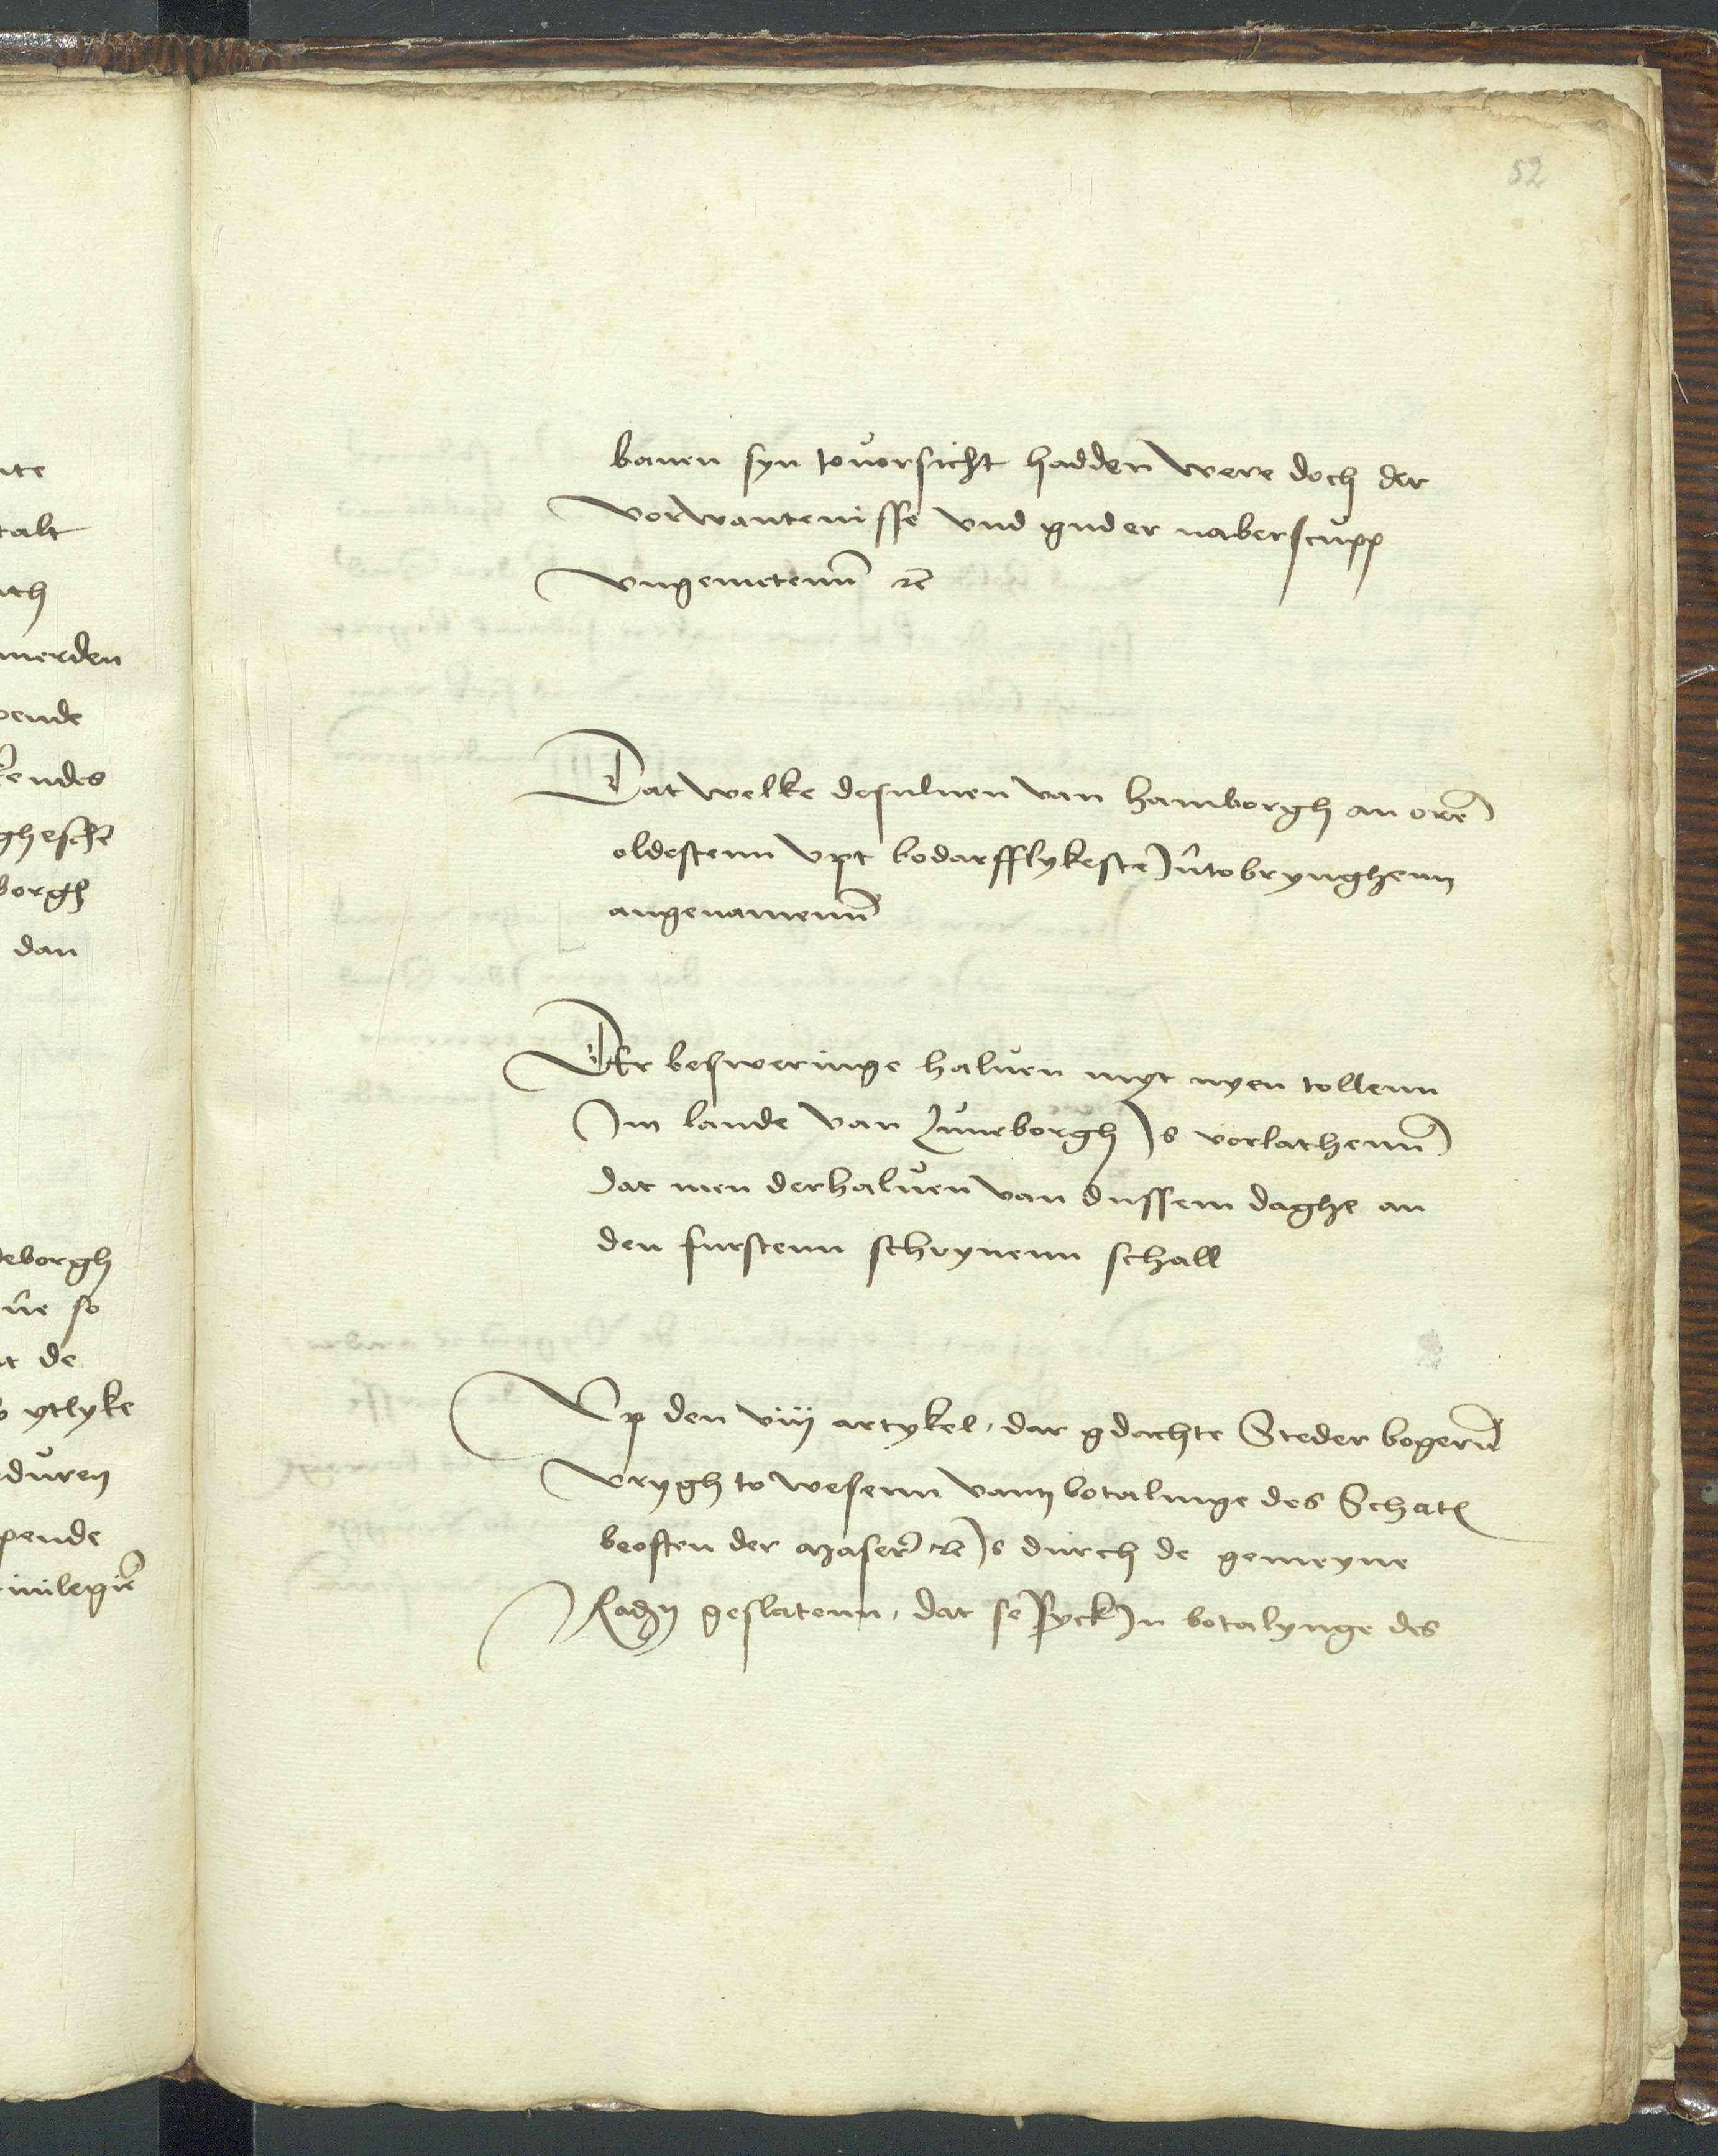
bauen syn touorsicht hadden were doch der
vorwantenisse vnd guder naberscupp
vngemetenn etc
Dat welke desuluen van hamborgh an oren
oldestenn vpt bodarfflykeste Jntobrynghenn
angenamenn
Der besweringe haluen myt nyen tollenn
Jm lande van Luneborgh Js vorlathenn
dat men derhaluen van dussem daghe an
den furstenn schryuenn schall
Vp den viij artykel, dat gdachte Steder bogern
vrygh to wesenn vann botalinge des Schates
beosten der maser etc Js durch de gemeyne
Radessendebaden geslatenn, dat se syck Jn botalynge des
